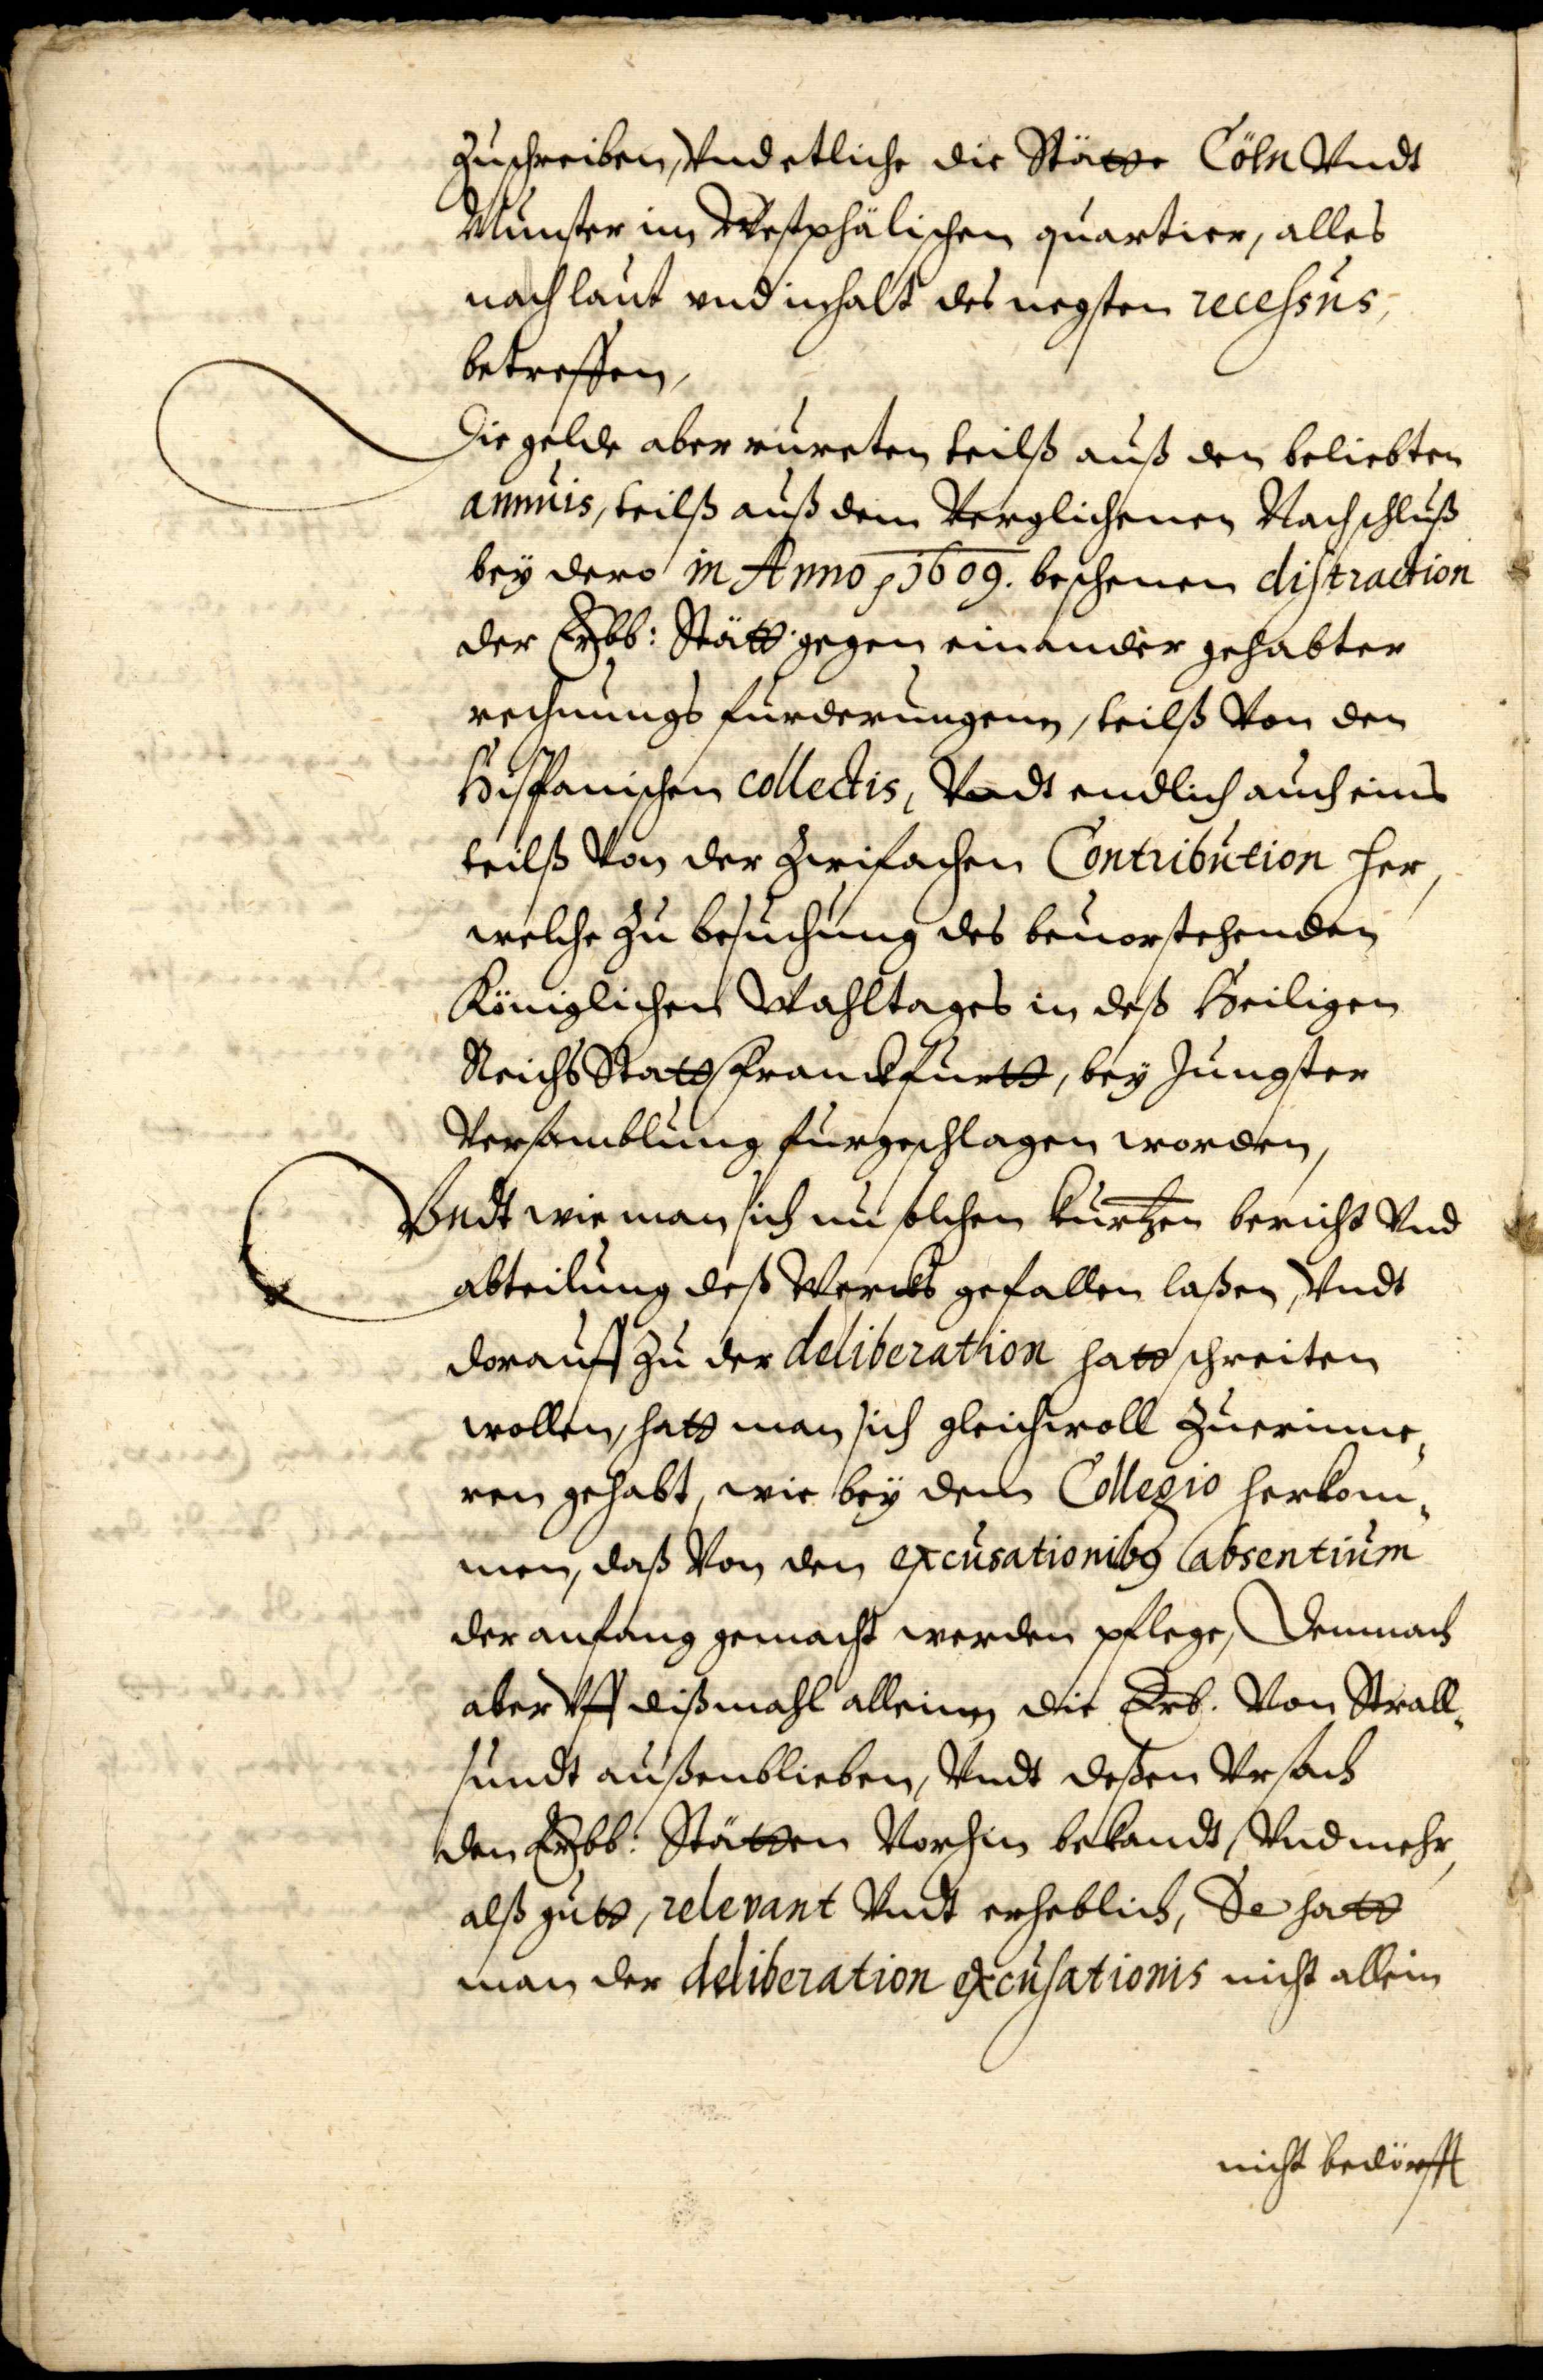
Zuschreiben, Vnd etliche die Stätte Coln Vndt
Munster im Westphälischen quartier, alles
nach laut vnd inhalt des negsten recessus,
betreffen,
Die gelde aber rureten teilß auß den beliebten
annuis, teilß auß dem Verglichenen Nachschluß
beij dero in Anno 1609. beschenen distraction
der Erbb: Stätt gegen einander gehabter
rechnungs furderungenn, teilß von den
Hispanischen collectis, Vndt endlich auch eins
teilß von der zwifachen Contribution her,
welche Zu besuchung des bevorstehenden
Königlichen Wahltages in deß heiligen
Reichs Statt Franckfurtt, beij Jungster
Versamblung furgeschlagen worden,
Vndt wie man sich nu solchen kurtzen bericht Vnd
abteilung deß Wercks gefallen laßen, Vndt
darauff zu der deliberation hatt schreiten
wollen, hatt man sich gleichwoll zuerinne¬
ren gehabt, wie beij dem Collegio herkom¬
men, daß Von den excusationibus absentium
der anfang gemacht werden pflege, demnach
aber Vff dißmahl alleinn die Erb. Von Strall¬
sundt außenblieben, Vndt deßen Vrsach
den Erbb: Stätten Vorhin bekandt, Vnd mehr
alß gutt, relevant Vndt erheblich, So hatt
man der deliberation excusationis nicht allein
nicht bedörfft
